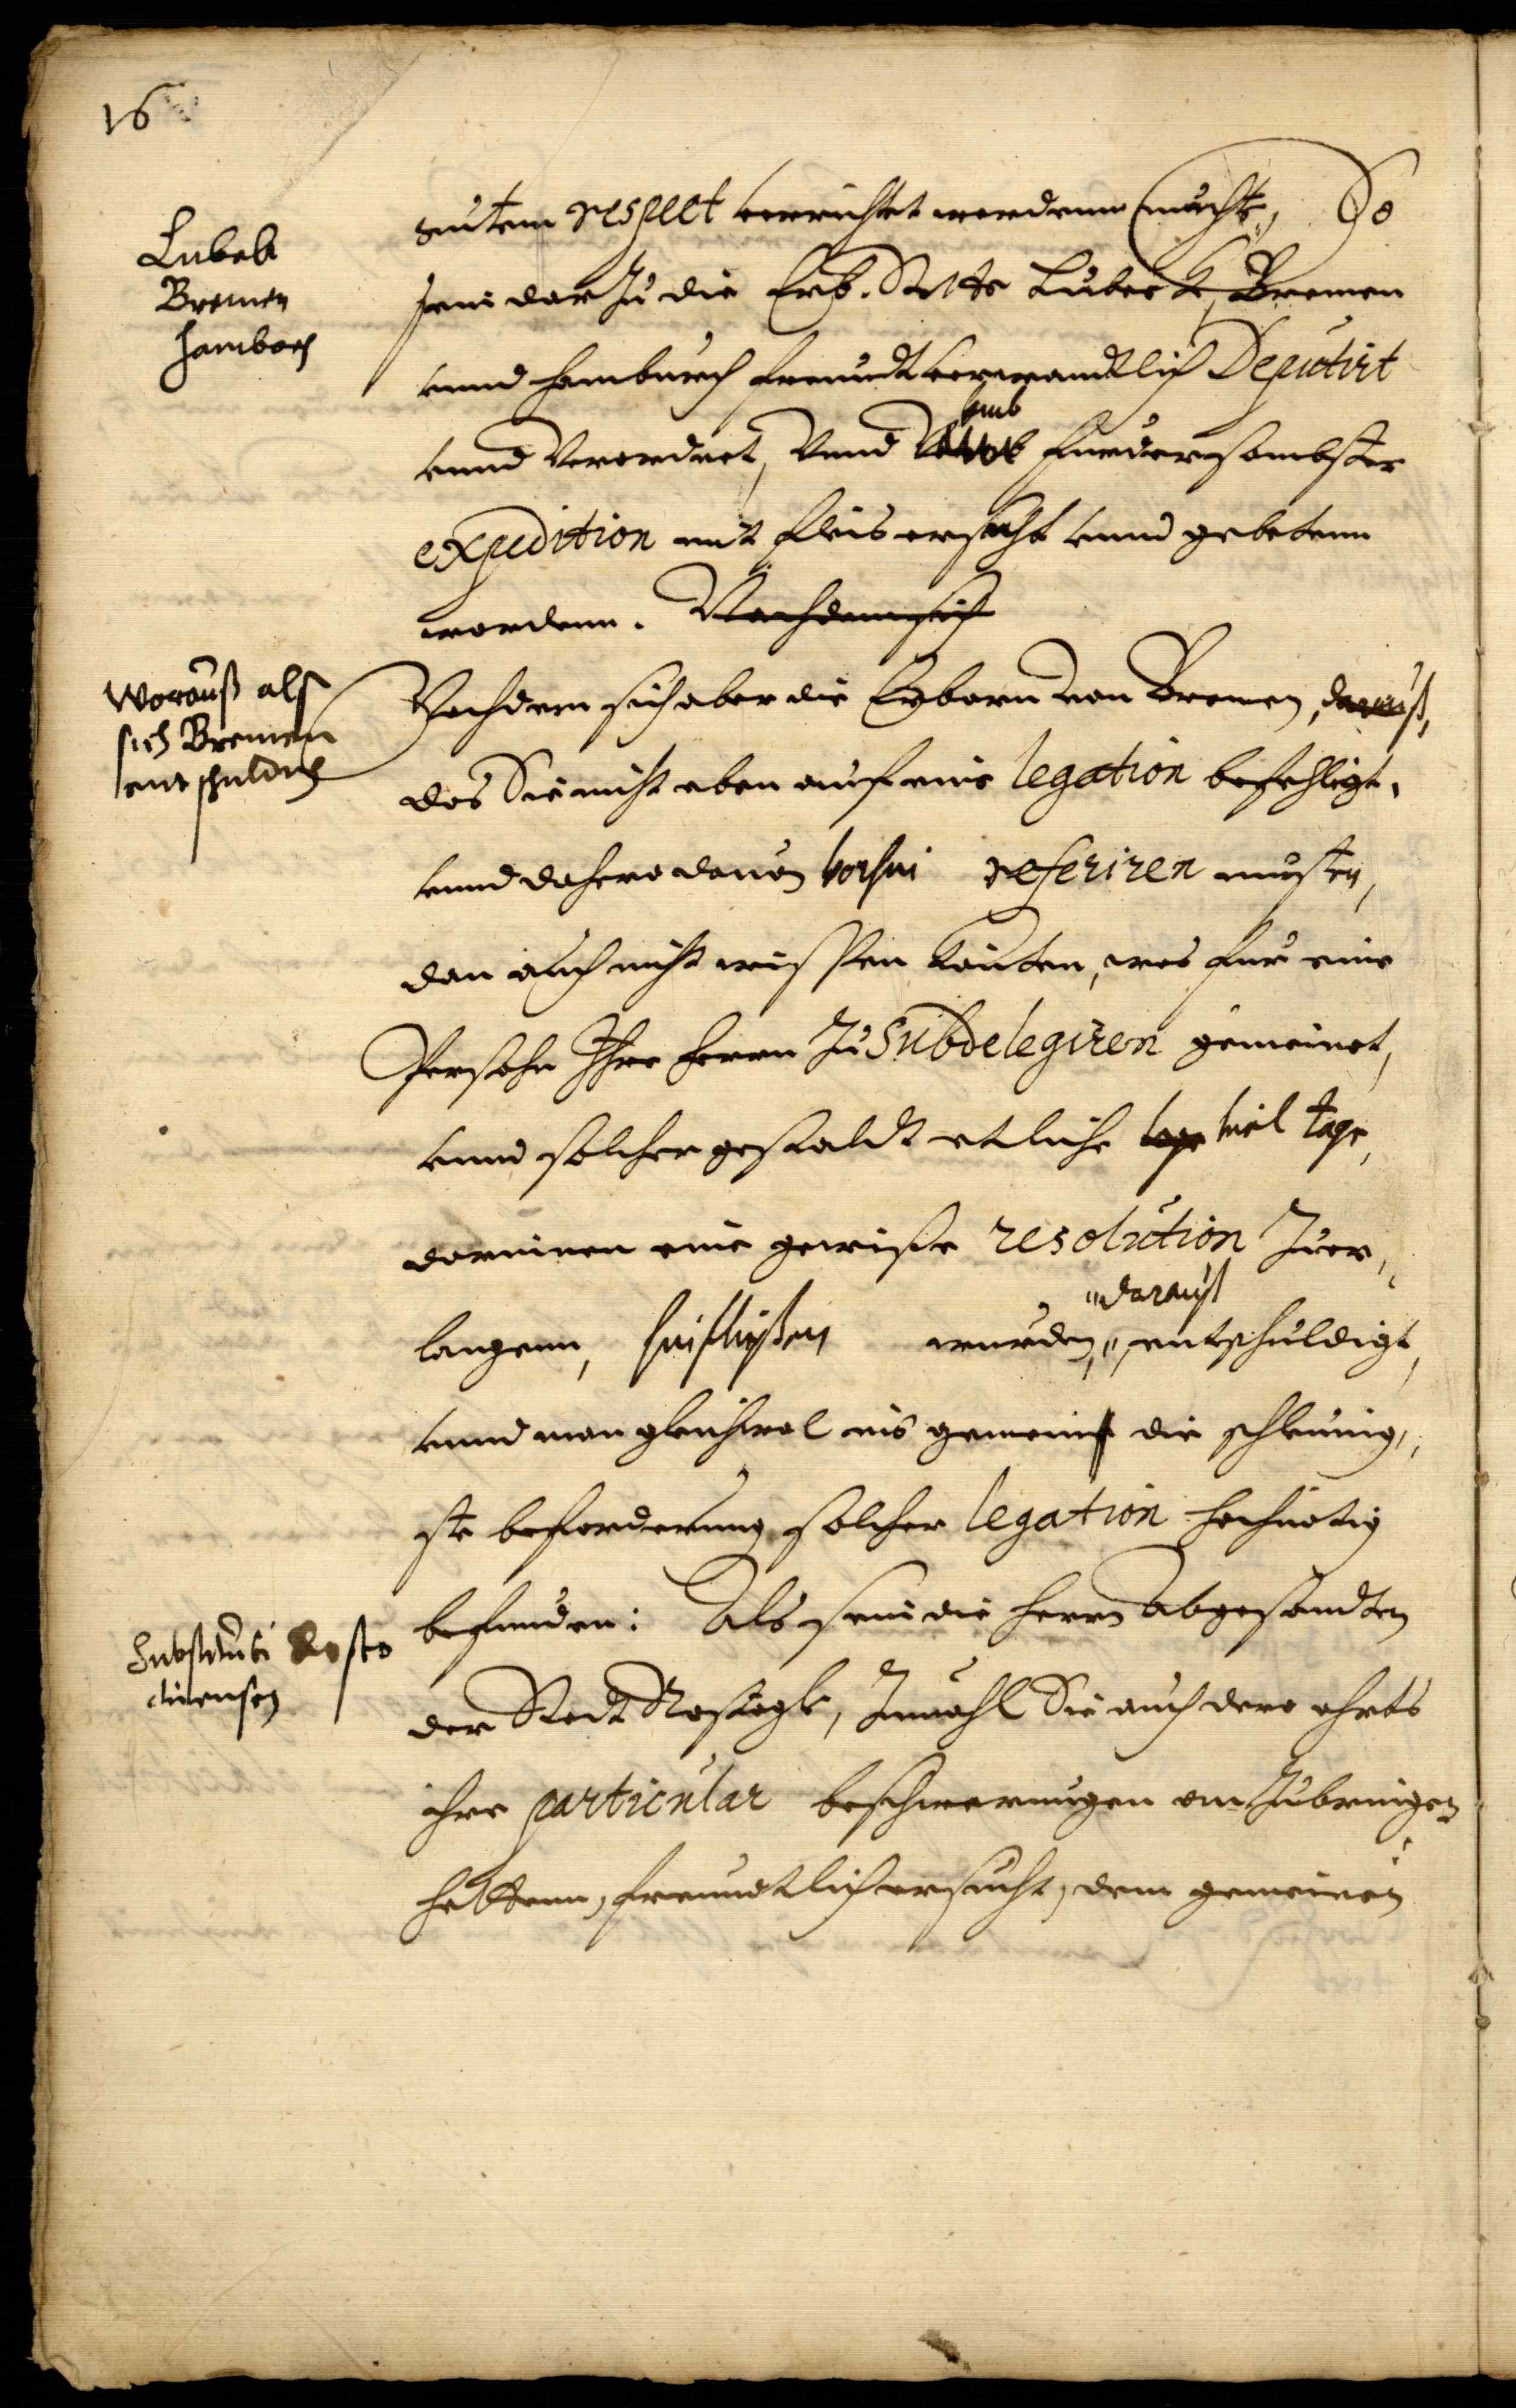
16
gutem respect verrichtet werdenn muste, So
sein darzu die Erb. Stette Lubeck, Bremen
vnnd hamburch freundtvorwandtlich Deputirt
vmb
vnnd Verordnet, vnnd vmmb furdersambster
expedition mit fleis erseht vnnd gebetenn
wordenn. Nachdem sich
Lubek
Bremen
Hamborch
Nachdem sich aber die Erbarn von Bremen, darauß
das Sie nicht eben auf eine legation befehligt,
vnnd dahero dauon vorhin referiren musten,
dan auch nicht wissen könten, was fur eine
Persohn Ihre herrn zu subdelegiren gemeinet,
vnnd solcher gestaldt etliche tage viel tage,
darinnen eine gewiße resolution zuer¬
"darauß
langenn, hinfließen wurden " entschuldigt,
vnnd man gleichwol aus gemeinet die schleunig¬
ste beforderung solcher legation hochnotig
befunden: Als sein die herrn Abgesandten
der Stedt Rostogk, zumahl Sie auch dero ehrts
ihre particular beschwerungen anzubringen
hettenn, freundtlich ersucht, dem gemeinen
Worauß als
sich Bremen
entschuldng
substituti Rosto
chienses
